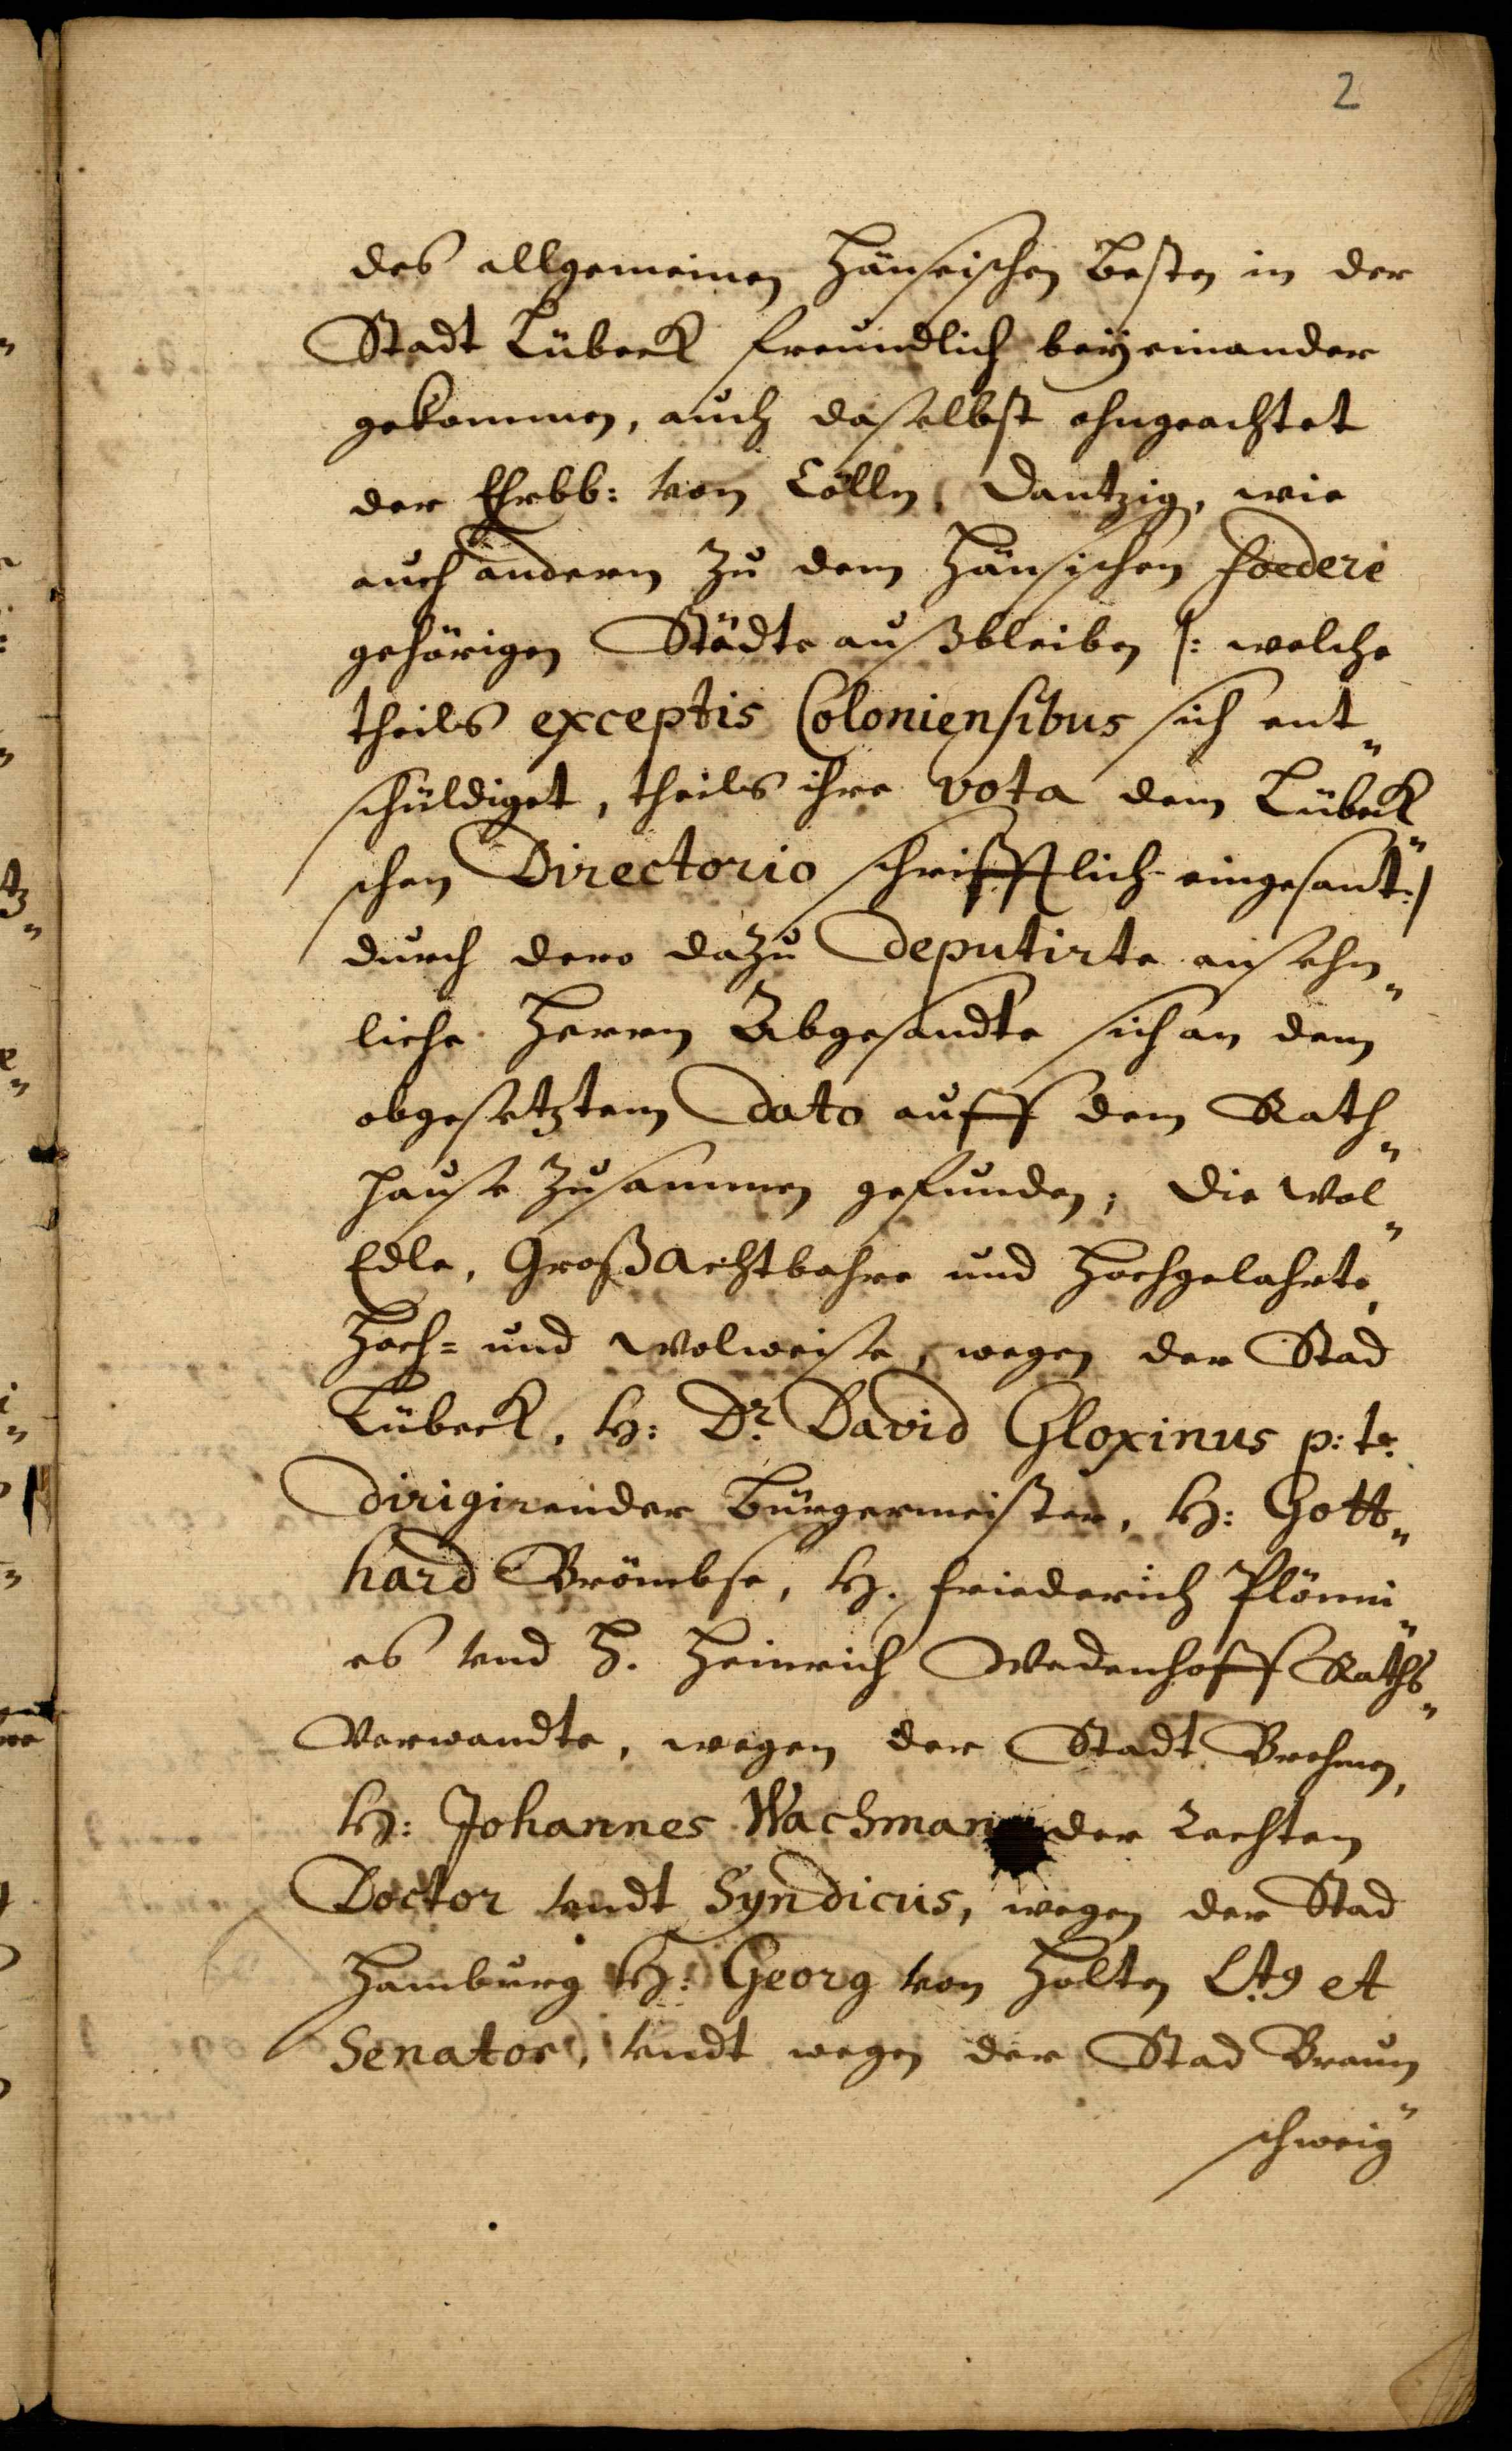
des allgemeinen Hänseischen Besten in der
Stadt Lübeck freundlich beijeinander
gekommen, auch daselbst ohngeachtet
der Ehrbb: von Cölln, Dantzig, wie
auch anderen zu dem Hänsischen foedere
gehörigen Städte außbleiben |: welche
theils exceptis Coloniensibus sich ent¬
schüldiget, theils ihre vota dem Lübeck¬
schen Directorio schrifftlich eingesant :|
durch dero dazu deputirte ansehn¬
liche Herrn Abgesandte sich an dem
obgesetztem dato auff dem Rath¬
hause zusammen gefunden; die wol¬
Edle, Großachtbare und Hochgelahrte,
Hoch= und Wolweise, wegen der Stad
Lübeck, H: Dr. David Gloxinus p: te.
dirigirender Bürgermeister, H: Gott¬
hard Brömbse, H. Friederich Plönni¬
es vnd H. Heinrich Wedenhoff Raths¬
verwandte, wegen der Stadt Brehmen,
H: Johannes Wachman der Rechten
Doctor vndt Syndicus, wegen der Stad
Hamburg H: Georg von Holten L.tus et
Senator, vndt wegen der Stad Braun¬
schweig
